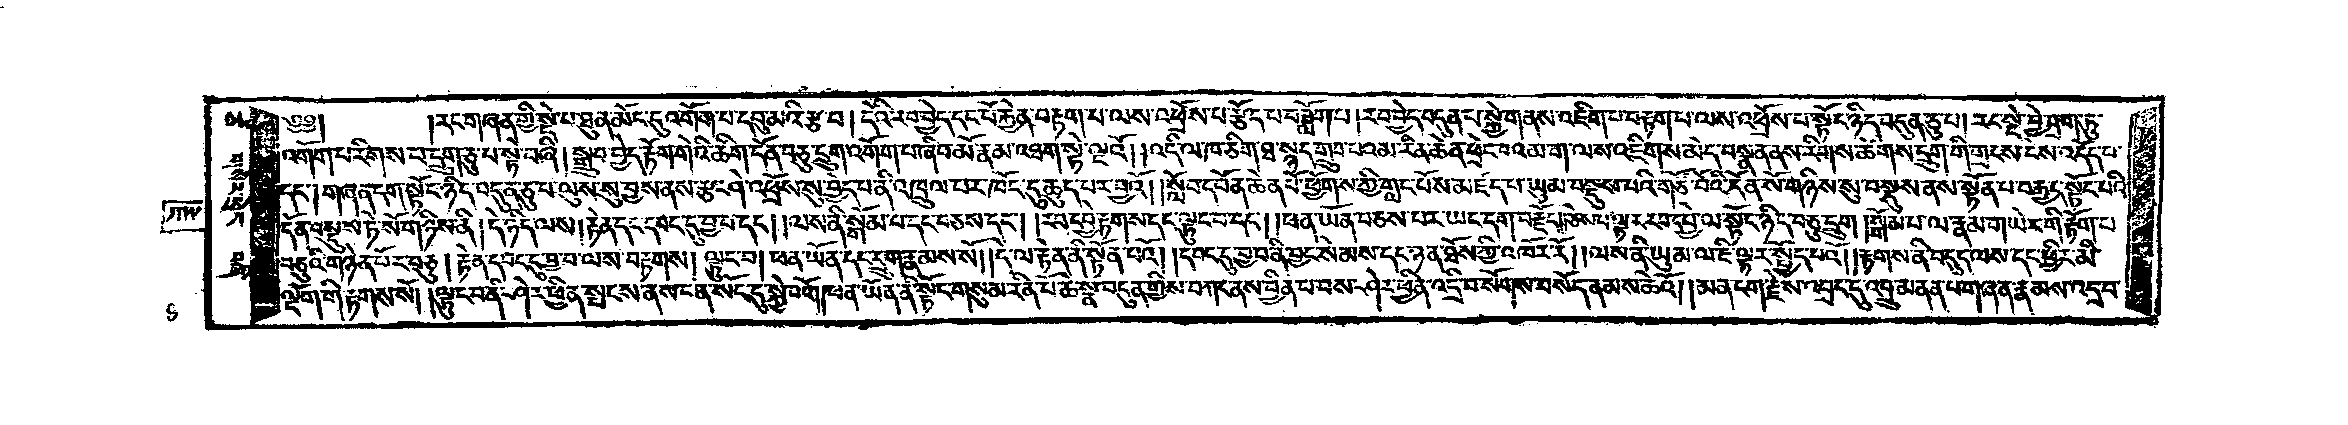༄༅། །རང་གཞན་གྱི་སྡེ་པ་ཐུན་མོང་དུ་འགོག་པ་དབུ་མའི་རྩ་བ། དེའི་རབ་བྱེད་དང་པོ་རྐྱེན་བརྟག་པ་ལས་འཕྲོས་པ་རྩོད་པ་བཟློག་པ། རབ་བྱེད་བདུན་པ་སྐྱེ་གནས་འཇིག་པ་བརྟག་པ་ལས་འཕྲོས་པ་སྟོང་ཉིད་བདུན་ཅུ་པ། རང་སྡེ་བྱེ་བྲག་ཏུ་
འགོག་པ་རིགས་པ་དྲུག་ཅུ་པ་སྟེ་བཞི། སྒྲུབ་བྱེད་རྟོག་གེའི་ཚིག་དོན་བཅུ་དྲུག་འགོག་པ་ཞིབ་མོ་རྣམ་འཐག་སྟེ་ལྔའོ། །འདི་ལ་ཁ་ཅིག་ཐ་སྙད་གྲུབ་པའམ་རིན་ཆེན་ཕྲེང་བའམ་ག་ལས་འཇིགས་མེད་བསྣན་ནས་རིགས་ཚོགས་དྲུག་གི་གྲངས་ངེས་འདོད་པ་
དང་། གཞན་དག་སྟོང་ཉིད་བདུན་ཅུ་པ་ལུས་སུ་བྱས་ནས་རྩ་ཤེ་འཕྲོས་སུ་བྱེད་པ་ནི་འཁྲུལ་པར་ཁོང་དུ་ཆུད་པར་བྱའོ། །སློབ་དཔོན་ཆེན་པོ་ཕྱོགས་ཀྱི་གླང་པོས་མཛད་པ་ཡུམ་བསྡུས་པའི་གཙོ་བོའི་དོན་སོ་གཉིས་སུ་བསྡུས་ནས་སྟོན་པ་བརྒྱད་སྟོང་པའི་
དོན་བསྡུས་ཏེ་སོ་གཉིས་ནི། དེ་ཉིད་ལས། རྟེན་དང་དབང་དུ་བྱ་བ་དང་། །ལས་ནི་སྒོམ་པ་དང་བཅས་དང་། །རབ་དབྱེ་རྟགས་དང་ལྟུང་བ་དང་། །ཕན་ཡོན་བཅས་པར་ཡང་དག་བརྗོད། །ཅེས་པ་ལྟར་རབ་དབྱེ་ལ་སྟོང་ཉིད་བཅུ་དྲུག །སྒོམ་པ་ལ་རྣམ་གཡེང་གི་རྟོག་པ་
བཅུའི་གཉེན་པོར་བཅུ། རྟེན་དབང་དུ་བྱ་བ་ལས་བརྟགས། ལྟུང་བ། ཕན་ཡོན་དང་དྲུག་རྣམས་སོ། །དེ་ལ་རྟེན་ནི་སྟོན་པའོ། །དབང་དུ་བྱ་བ་ནི་བྱང་སེམས་དང་ཉན་ཐོས་ཀྱི་འཁོར་རོ། །ལས་ནི་ཡུམ་ལ་ཇི་ལྟར་སྤྱོད་པའོ། །རྟགས་ནི་བདུད་ལས་དང་ཕྱིར་མི་
ལྡོག་གི་རྟགས་སོ། །ལྟུང་བ་ནི་ཤེར་ཕྱིན་སྤངས་ནས་ངན་སོང་དུ་སྐྱེ་བའོ། །ཕན་ཡོན་ནི་སྟོང་གསུམ་རིན་པོ་ཆེ་སྣ་བདུན་གྱིས་བཀང་ནས་བྱིན་པ་བས་ཤེར་ཕྱིན་འདྲི་བ་སོགས་བསོད་ནམས་ཆེའོ། །མན་ངག་རྗེས་འབྲང་དུ་འབྲུ་མནན་པ་གཞན་རྣམས་འདྲ་བ་